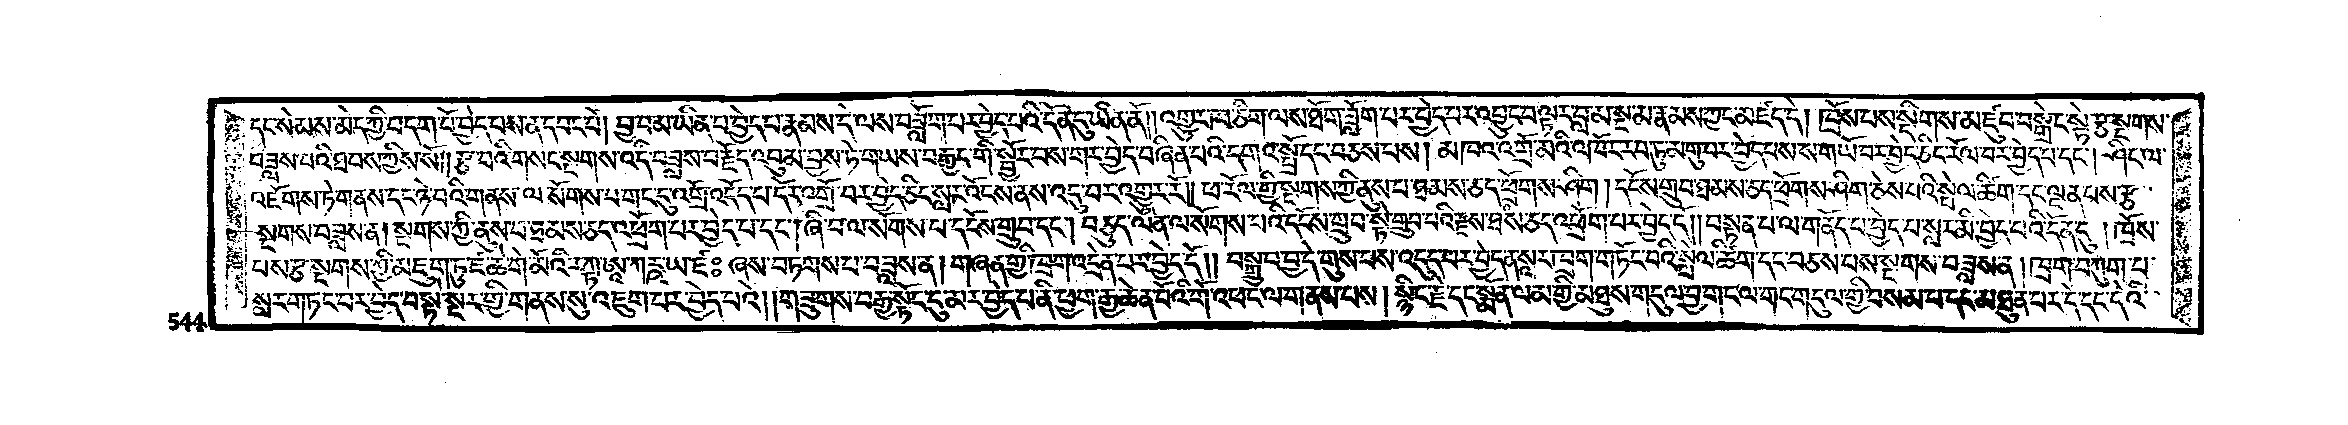དང་སེམས་མེད་ཀྱི་བདག་པོ་བྱེད་པས་ན་དབང་པོ། བྱ་བ་མ་ཡིན་པ་བྱེད་པ་རྣམས་དེ་ལས་བཟློག་པར་བྱེད་པའི་དོན་དུ་ཡིན་ནོ། །འགྱུར་ཁ་ཅིག་ལས་ཐོག་ཟློག་པར་བྱེད་པར་འབྱུང་བ་ལྟར་བླ་མ་སྔ་མ་རྣམས་ཀྱང་མཛད་དེ། ཁྲོས་པས་སྡིགས་མཛུབ་བསྒྲེང་སྟེ་རྩ་སྔགས་
བཟླས་པའི་ཐབས་ཀྱིས་སོ། །རྩ་བའི་གསང་སྔགས་འདི་བཟླས་བརྗོད་འབུམ་བྱས་ཏེ་གཡས་བརྐྱང་གི་སྦྱོར་བས་གར་བྱེད་བཞིན་པའི་དགའ་སྤྲོ་དང་བཅས་པས། མཁའ་འགྲོ་མའི་འཁོར་རབ་ཏུ་མགུ་བར་བྱེད་པས་ས་གཡོ་བར་བྱེད་ཅིང་རོལ་བར་བྱེད་པ་དང་། ཤིང་ལ་
འཛེགས་ཏེ་གནས་དང་ཉེ་བའི་གནས་ལ་སོགས་པ་གང་དུ་འགྲོ་འདོད་པ་དེར་འགྲོ་བར་བྱེད་ཅིང་སླར་འོངས་ནས་འདུ་བར་འགྱུར་རོ། །ཕ་རོལ་གྱི་སྔགས་ཀྱི་ནུས་པ་ཐམས་ཅད་ཕྲོགས་ཤིག །དངོས་གྲུབ་ཐམས་ཅད་ཕྲོགས་ཤིག་ཅེས་པའི་སྤེལ་ཚིག་དང་ལྡན་པས་རྩ་
སྔགས་བཟླས་ན། སྔགས་ཀྱི་ནུས་པ་ཐམས་ཅད་འཕྲོག་པར་བྱེད་པ་དང་། ཞི་བ་ལ་སོགས་པ་དངོས་གྲུབ་དང་། བཅུད་ལེན་ལ་སོགས་པའི་དངོས་གྲུབ་སྟེ་གྲུབ་པའི་རྫས་ཐམས་ཅད་འཕྲོག་པར་བྱེད་དོ། །བསྟན་པ་ལ་གནོད་པ་བྱེད་པ་སླར་མི་བྱེད་པའི་དོན་དུ། ཁྲོས་
པས་རྩ་སྔགས་ཀྱི་མཇུག་ཏུ་ཛ་ཆེ་གེ་མོའི་རཀྟ་ཨཱ་ཀརྵ་ཡ་ཛཿ ཞེས་བཏགས་པ་བཟླས་ན། གཞན་གྱི་ཁྲག་འདྲེན་པར་བྱེད་དོ། །བསྒྲུབ་བྱ་དེ་གུས་པས་འདུད་པར་བྱེད་ན་སླར་ཁྲག་གཏོང་བའི་སྤེལ་ཚིག་དང་བཅས་པས་སྔགས་བཟླས་ན། ཁྲག་བཀུག་པ་
སླར་གཏང་བར་བྱེད་པ་སྟེ་སྔར་གྱི་གནས་སུ་འཇུག་པར་བྱེད་པའོ། །གཟུགས་བརྒྱ་སྟོང་དུ་མར་བྱེད་པ་ནི་ཕྱག་རྒྱ་ཆེན་པོའི་གོ་འཕང་ལ་གནས་པས། སྙིང་རྗེ་དང་སྨོན་ལམ་གྱི་མཐུས་གདུལ་བྱ་གང་ལ་གང་གདུལ་གྱི་བསམ་པ་དང་མཐུན་པར་དེ་དང་དེའི་